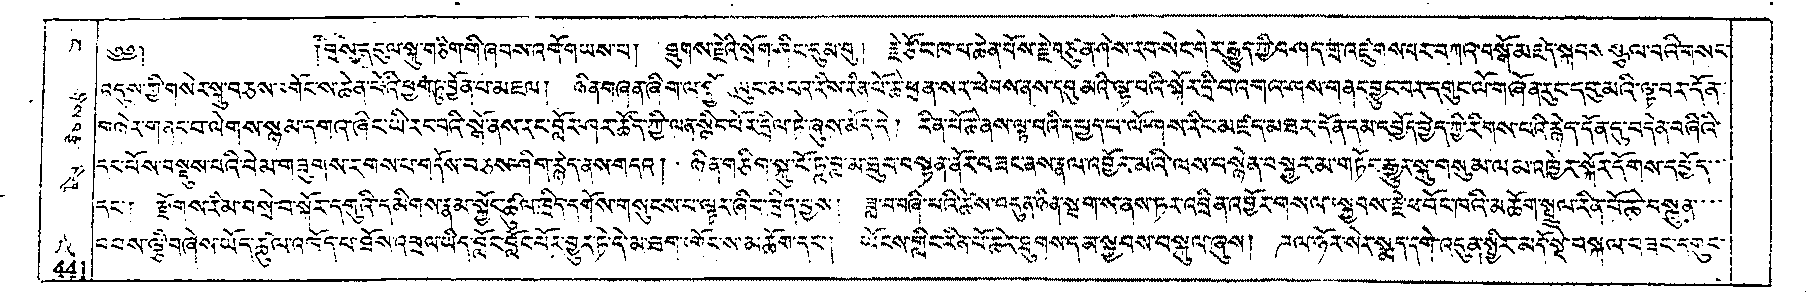༄༅། །གྲས་དངུལ་སྐུ་གཅིག་གི་ཞབས་འགོ་གཡས་པ། ཐུགས་རྗེའི་སྲོག་ཤིང་དུམ་བུ། རྗེ་ཙོང་ཁ་པ་ཆེན་པོས་རྗེ་བཙུན་ཤེས་རབ་སེང་གེར་རྒྱུད་ཀྱི་བཤད་གྲ་འཛུགས་པར་བཀའ་བསྒོ་མཛད་སྐབས་སྩལ་བའི་གསང་
འདུས་ཀྱི་གསེར་སྐུ་བཅས་༧གོང་ས་ཆེན་པོའི་ཕྱག་ཏུ་བྱོན་པ་མཇལ། ཉིན་གཞན་ཞིག་ལ་སྐྱོང་ལུང་མངའ་རིས་རིན་པོ་ཆེ་ཕྲན་སར་ཕེབས་ནས་དབུ་མའི་ལྟ་བའི་སྐོར་དྲི་བ་འགའ་ཤས་གནང་བྱུང་བར་དགུང་ལོ་གཞོན་རུང་དབུ་མའི་ལྟ་བར་དོན་
གཉེར་གནང་བ་ལེགས་སྙམ་དགའ་ཞིང་ཡི་རང་བའི་སྒོ་ནས་རང་བློར་ཤར་ཚོད་ཀྱི་ལན་སྙིང་པོར་དྲིལ་ཏེ་ཞུས་མོད་དེ། རིན་པོ་ཆེ་ནས་ལྟ་བའི་དཔྱད་པ་ལོ་ཤས་རིང་མཛད་མཐར་དོན་དམ་དཔྱོད་བྱེད་ཀྱི་རིགས་པའི་རྙེད་དོན་དུ་བདེན་བཞིའི་
དང་པོས་བསྡུས་པའི་བེམ་གཟུགས་རགས་པ་གདོས་བཅས་ཤིག་རྙེད་ནས་གདའ། ཉིན་གཅིག་སྐུ་ངོ་ཏཱ་བླ་མ་ཐུབ་བསྟན་ནོར་བཟང་ནས་རྣལ་འབྱོར་མའི་ལས་བསྙེན་བསྐྱར་མ་གཏོང་རྒྱུར་སྐུ་གསུམ་ལམ་འཁྱེར་སྐོར་དོགས་དཔྱོད་
དང་། རྫོགས་རིམ་བསྲེ་བ་སྐོར་དགུའི་དམིགས་རྣམ་སྐྱོང་ཚུལ་ཁྲིད་དགོས་གསུངས་པ་ལྟར་ཞིབ་ཁྲིད་བྱས། ཟླ་བ་བཞི་པའི་ཚེས་བདུན་ཉིན་སྦག་ས་ནས་ཏར་འཕྲིན་འབྱོར་གསལ་༧སྐྱབས་རྗེ་ཕ་བོང་ཁའི་མཆོག་སྤྲུལ་རིན་པོ་ཆེ་བསྙུན་
བབས་ལྕི་བཞེས་ཡོད་ཚུལ་འཁོད་པ་ཐོས་འཕྲལ་ཡིད་བློང་བློང་པོར་གྱུར་ཏེ་དེ་མ་ཐག་༧གོང་ས་མཆོག་དང་། ཡོངས་གླིང་རིན་པོ་ཆེར་ཐུགས་དམ་སྐྱབས་བསྐུལ་ཞུས། ཌལ་ཧོར་སེར་སྨད་དགེ་འདུན་སྤྱིར་མདོ་སྡེ་བསྐལ་བཟང་དགུང་